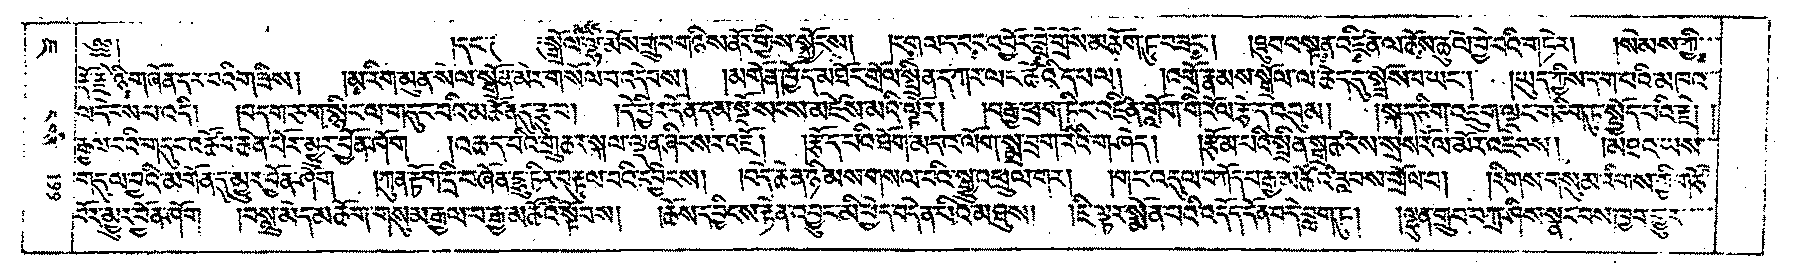༄༅། །དང༑ ༑སྒྲོལ་མཛད་ལྷ་མོས་གྲུབ་གཉིས་ནོར་གྱིས་སྐྱོངས། །ངག྾་ལ་དབང྾་འབྱོར་བློ་གྲོས་མཆོག་ཏུ་བཟང྾། །ཐུབ་བསྟན྾་འཛིན྾་ལ་ཆོས྾་ཚུལ་བྱེ་བའི་གཏེར། །སེམས་ཀྱི྾་
རྡོ་རྗེ་ཉི྾་གཞོན་དར་བའི་གཟིས། །མ྾་རིག་མུན་སེལ་སྒྲོན་མེར་གསོལ་བ་འདེབས། །མགོན་ཁྱོད་མཐོང་གྲོལ་སྤྲིན་དཀར་ལང་ཚོའི་དཔལ། །འགྲོ་རྣམས་སྒྲོལ་ལ་ཆེད་དུ་སྤྲོས་པ་ཡང་། །ཡུད་ཀྱིས་དག་པའི་མཁའ་
ལ་དེངས་པ་འདི། །བདག་ཅག་སྙིང་ལ་གདུང་བའི་མཚོན་དུ་རྩུབ། །དེ་ཕྱིར་དོན་དམ་སྔོ་སངས་མཛེས་མའི་ལྟོར། །བརྒྱ་ཕྲག་ཏིང་འཛིན་གློག་གི་རོལ་རྩེད་འབུམ། །སྐད་ཅིག་འཇུག་ལྡང་གཅིག་ཏུ་སྤྱོད་པའི་རྗེ། །
རྒྱལ་བའི་གདུང་འཚོ་བ་ཆེན་པོར་མྱུར་བྱོན་ཤོག །འཆད་པའི་གྲུ་ཆར་སྐལ་ལྡན་ཞིང་སར་འཇོ། །རྩོད་པའི་ཐོག་མདའ་ལོག་སྨྲ་བྲག་རིའི་གཤེད། །རྩོམ་པའི་སྤྲིན་སྒྲ་ཚངས་སྲས་རོལ་མོར་འཇེབས། །མཐའ་ཡས་
གདུལ་བྱའི་མགོན་དུ་མྱུར་བྱོན་ཤོག །ཀུན་རྟོག་དྲི་བཞོན་དྷུ་ཏིར་བརྟུལ་བའི་དབྱིངས། །བདེ་ཆེན་ཉི་མས་གསལ་བའི་སྒྱུ་འཕྲུལ་གར། །གང་འདུལ་བཀོད་པ་རྒྱ་མཚོའི་རླབས་གྲོལ་བ། །རིགས་གསུམ་རིགས་ཀྱི་གཙོ་
བོར་མྱུར་བྱོན་ཤོག །བསླུ་མེད་མཆོག་གསུམ་རྒྱལ་བ་རྒྱ་མཚོའི་སྟོབས། །ཆོས་དབྱིངས་རྟེན་འབྱུང་མི་ཕྱེད་བདེན་པའི་མཐུས། །ཇི་ལྟར་སྨོན་པའི་འདོད་དོན་བདེ་བླག་ཏུ། །ལྷུན་གྲུབ་བཀྲ་ཤིས་སྣང་བས་ཁྱབ་གྱུར་